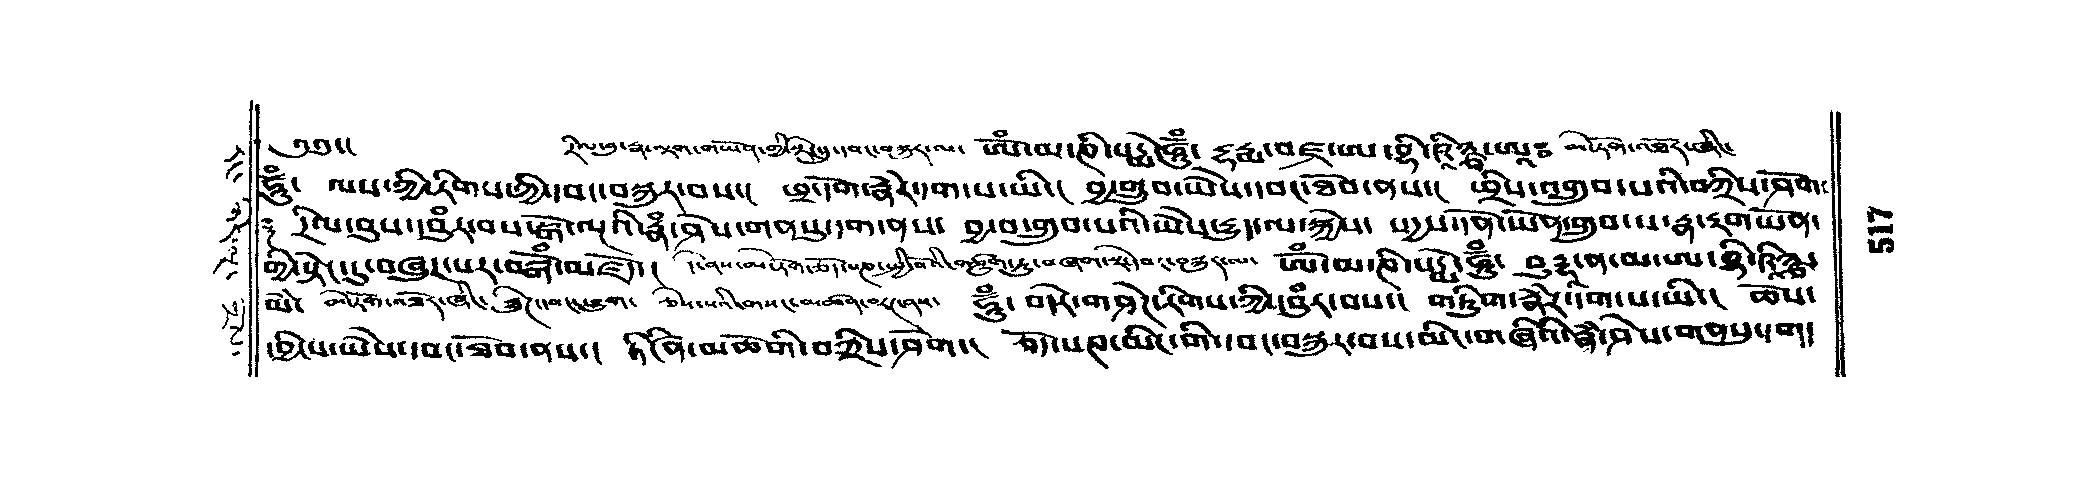དྲིལ་བུ་རྣ་ལྟག་གཡོན་གྱི་སྟེང་དུ་དབང་བསྐུར་ལ། ཨོཾ་མ་ཎི་པདྨེ་ཧུྃ། དྷརྨ་བཛྲ་ཨ་བྷི་རཱི་ཉྩ་ཨཱཿ མེ་ཏོག་འཐོར་་ཞིང་། 
ཧཱུྃ། ལས་ཀྱི་རིགས་ཀྱི་དབང་བསྐུར་བས། །ཕྲག་དོག་རྣམ་པར་དག་པ་ཡི། །བྱ་གྲུབ་ཡེ་ཤེས་དབང་ཐོབ་ནས། །ཕྲིན་ལས་འགྲུབ་པའི་བཀྲ་ཤིས་ཤོག 
དྲིལ་བུས་དབང་བསྐུར་བས་སྒོ་ལྔའི་རྣམ་ཤེས་གནས་སུ་དག་ནས། བྱ་བ་གྲུབ་པའི་ཡེ་ཤེས་རྒྱུད་ལ་སྐྱེས། སངས་རྒྱས་དོན་ཡོད་གྲུབ་པ་རྣ་ལྟག་གཡོན་
གྱི་སྟེང་དུ་བཞུགས་པར་བསྒོམ་མཛོད། དེ་ནས་མེ་ཏོག་ཅོད་པཎ་སྤྱི་བོའི་གཙུག་ཏུ་བཞག་སྟེ་དབང་བསྐུར་ལ། ཨོཾ་མ་ཎི་པདྨེ་ཧཱུྃ། བུདྡྷ་ན་མ་ཨ་བྷི་རཱིཉྩ་
མཾ། མེ་ཏོག་འཐོར་ཞིང་། ཐུགས་རྗེ་དབང་ཕྱུག ཅེས་པའི་གསང་མཚན་བཏགས་ནས་། ཧཱུྃ། བདེ་བཤེགས་རིགས་ཀྱི་དབང་བསྐུར་བས། །གཏི་མུག་རྣམ་པར་དག་པ་ཡི། །ཆོས་
དབྱིངས་ཡེ་ཤེས་དབང་ཐོབ་ནས། །ཏིང་འཛིན་མཆོག་གི་བཀྲ་ཤིས་ཤོག ཅོད་པཎ་མིང་གི་དབང་ཐོབ་ནས་མིང་གཞིའི་རྣམ་ཤེས་གནས་སུ་དག་